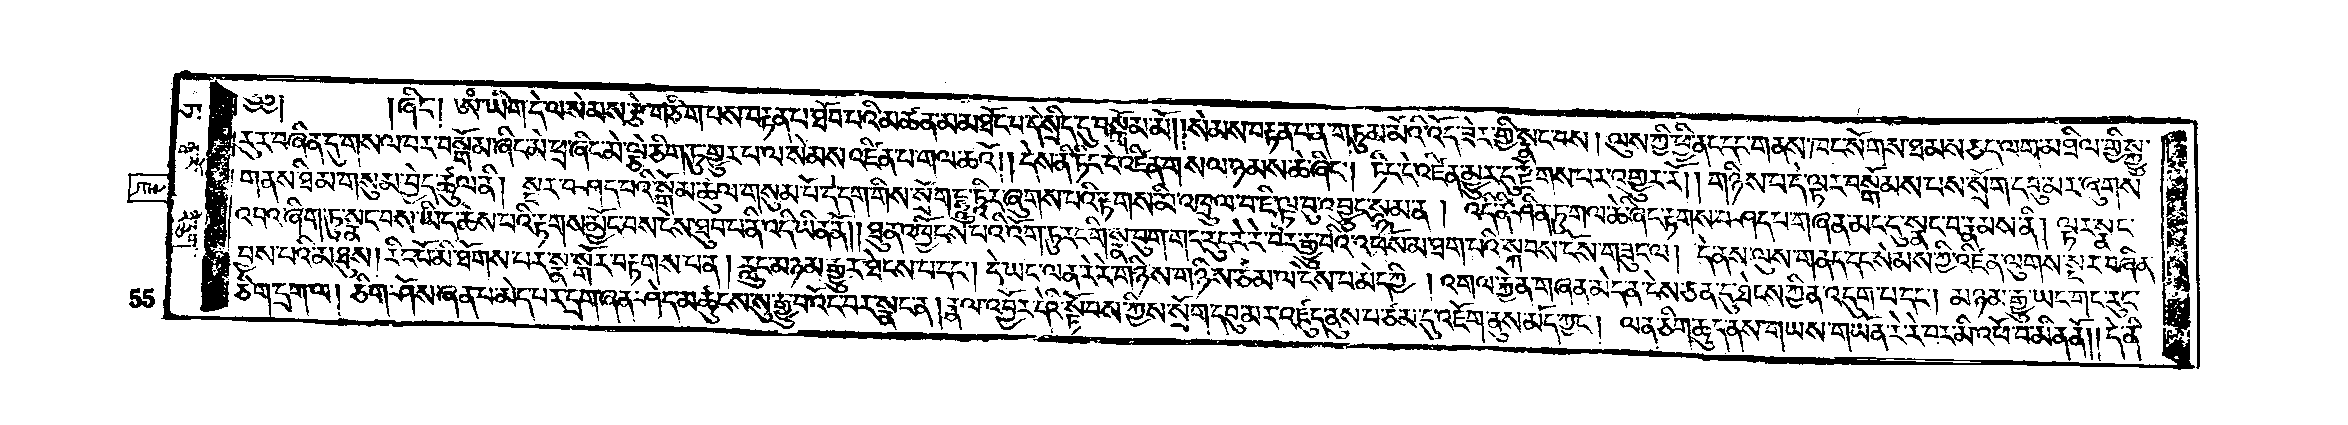༄༅། །ཞིང་། ཨཾ་ཡིག་དེ་ལ་སེམས་རྩ་གཅིག་པས་བརྟན་པ་ཐོབ་པའི་མཚན་མ་མཐོང་བ་དེ་སྲིད་དུ་བསྒོམ་མོ། །སེམས་བརྟན་པ་ན་གཏུམ་མོའི་འོད་ཟེར་གྱི་སྣང་བས། ལུས་ཀྱི་ཕྱི་ནང་དང་གནས་ཁང་སོགས་ཐམས་ཅད་ལག་མཐིལ་གྱི་སྐྱུ་
རུ་ར་བཞིན་དུ་གསལ་བར་བསྒོམ་ཞིང་མེ་ཕྲ་ཞིང་མེ་ལྕེ་ཅིག་ཏུ་གྱུར་པ་ལ་སེམས་འཛིན་པ་གལ་ཆེའོ། །དེས་ནི་ཏིང་ངེ་འཛིན་གསལ་ཉམས་ཆེ་ཞིང་། ཏིང་ངེ་འཛིན་མྱུར་དུ་རྫོགས་པར་འགྱུར་རོ། །གཉིས་པ་དེ་ལྟར་བསྒོམས་པས་སྲོག་དབུ་མར་ཞུགས་
གནས་ཐིམ་གསུམ་བྱེད་ཚུལ་ནི། སྔར་བཤད་པའི་སྒོམ་ཚུལ་གསུམ་པོ་དེ་དག་གིས་སྲོག་དྷཱུ་ཏཱིར་ཞུགས་པའི་རྟགས་མི་འཁྲུལ་བ་ཇི་ལྟ་བུ་འབྱུང་སྙམ་ན། འདི་ནི་ཤིན་ཏུ་གལ་ཆེ་ཞིང་རྟགས་བཤད་པ་གཞན་མང་དུ་སྣང་བ་རྣམས་ནི། ལྟར་སྣང་
འབའ་ཞིག་ཏུ་སྣང་བས་ཡིད་ཆེས་པའི་རྟགས་མྱོང་བས་ངེས་ཐུབ་པ་ནི་འདི་ཡིན་ནོ། །ཐུན་འཁྱོངས་པའི་འོག་ཏུ་རང་གི་སྣ་བུག་གང་རུང་རེ་རེ་བར་རྒྱུ་བའི་འཕོས་མ་ཐག་པའི་སྐབས་ངོས་གཟུང་ལ། དེ་ནས་ལུས་གནད་དང་སེམས་ཀྱི་འཛིན་ལུགས་སྔར་བཞིན་
བྱས་པའི་མཐུས། རིང་པོ་མི་ཐོགས་པར་སྣ་སྒོར་བརྟགས་པ་ན། རླུང་མཉམ་རྒྱུར་ཐེངས་པ་དང་། དེ་ཡང་ལན་རེ་རེ་གཉིས་གཉིས་ཙམ་ལ་ངེས་པ་མེད་ཀྱི། འགལ་རྐྱེན་གཞན་མེད་ན་ངེས་ཅན་དུ་ཐེངས་ཀྱིན་འདུག་པ་དང་། མཉམ་རྒྱུ་ཡང་གང་རུང་
ཅིག་དྲག་ལ། ཅིག་ཤོས་ཞན་པ་མེད་པར་དྲག་ཞན་ཤེད་མཚུངས་སུ་རྒྱུ་བ་འོང་བར་སྣང་ན། རྣལ་འབྱོར་དེའི་སྟོབས་ཀྱིས་སྲོག་དབུ་མར་འཛུད་ནུས་པ་ཙམ་དུ་འཇོག་ནུས་མོད་ཀྱང་། ལན་ཅིག་ཆུད་ནས་གཡས་གཡོན་རེ་ར་བར་མི་འཕོ་བ་མིན་ནོ། །དེ་ནི་